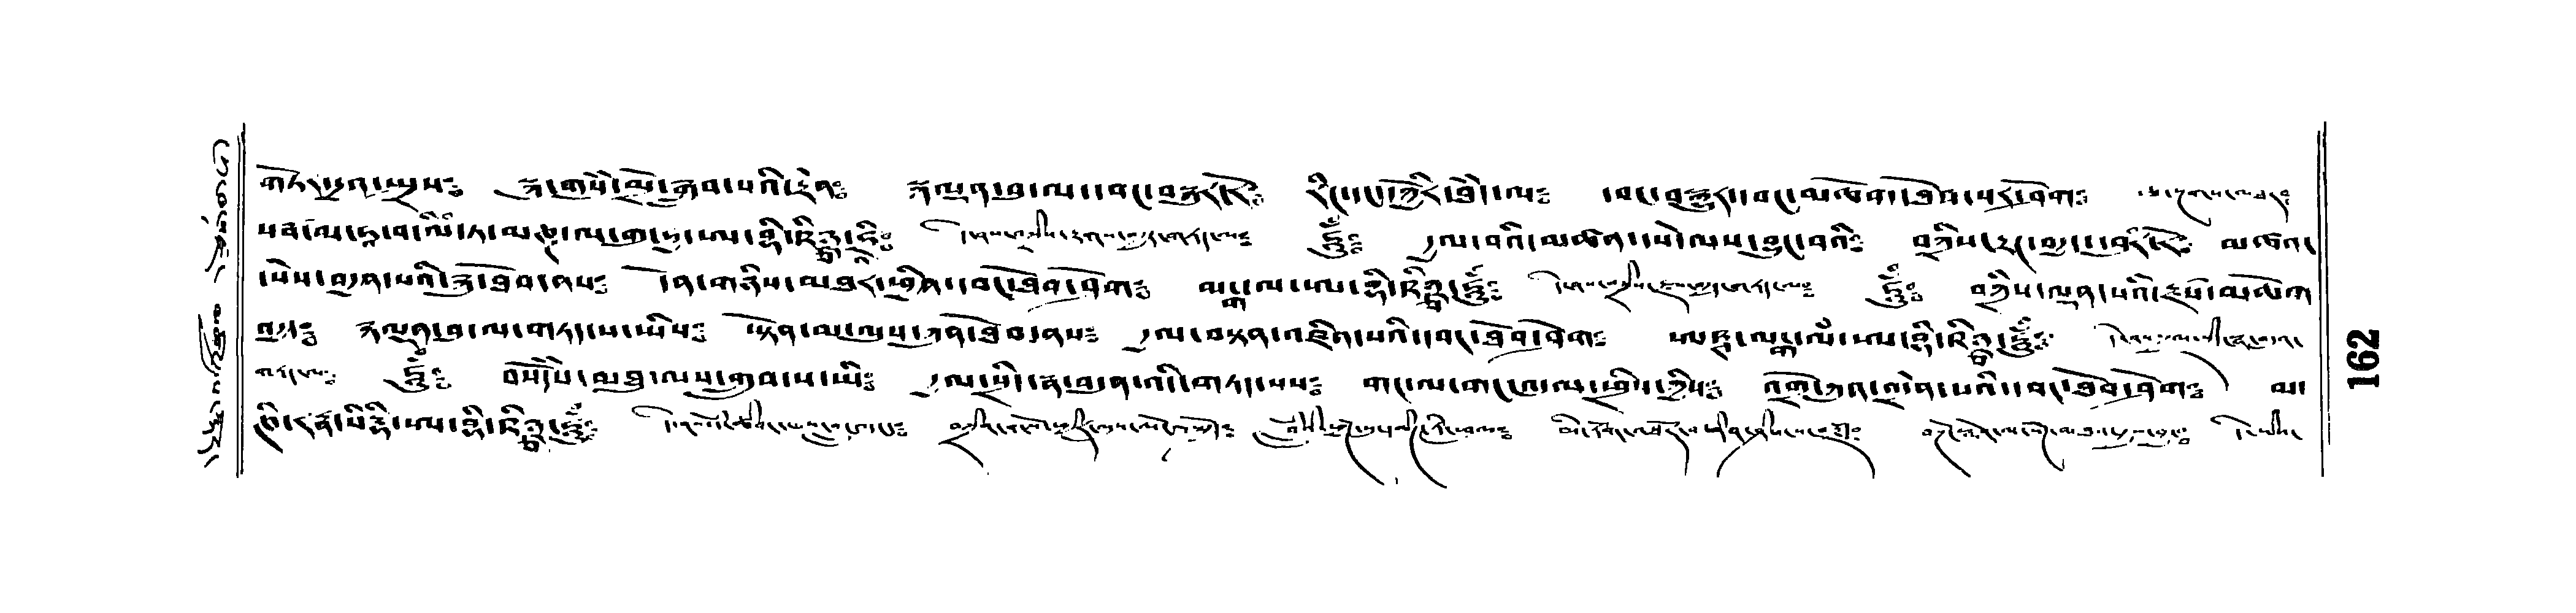གཏོར་རྒྱན་སྤྲས༔ སྐུ་གསུམ་མཁའ་འགྲོ་སྒྲུབ་པའི་རྟེན༔ སྐལ་ལྡན་བུ་ལ་དབང་བསྐུར་རོ༔ རིགས་དང་དཀྱིལ་འཁོར་ཐམས་ཅད་ལ༔ དབང་བསྒྱུར་དབང་མཆོག་ཐོབ་པར་ཤོག༔ རྩ་སྔགས་མཐར༔ 
སརྦ་མ་ཧཱ་བ་ལིཾ་ཏ་མཎྜ་ལ་གུ་ཧྱ་ཨ་བྷི་རིཉྩ་ཧྲཱིཿ དེ་ནས་བཀྲ་ཤིས་རྟགས་བརྒྱད་གཏད་ལ༔ ཧཱུྃ༔ རྒྱལ་བའི་མཚན་དཔེ་ལས་བྱུང་བའི༔ བཀྲ་ཤིས་རྟགས་བརྒྱད་དབང་བསྐུར་རོ༔ མཚན་
དཔེས་བརྒྱན་པའི་སྐུ་ཐོབ་ནས༔ དོན་གཉིས་མཐར་ཕྱིན་དབང་ཐོབ་ཤོག༔ མངྒ་ལ་ཨ་བྷི་རིཉྩ་ཧཱུྃ༔ དེ་ནས་བཀྲ་ཤིས་རྫས་བརྒྱད་གཏད་ལ༔ ཧཱུྃ༔ བཀྲ་ཤིས་ལྡན་པའི་རྫས་མཆོག་
བརྒྱད༔ སྐལ་ལྡན་བུ་ལ་གཏད་པ་ཡིས༔ ཡོན་ཏན་མ་ལུས་ཀུན་ཐོབ་ནས༔ རྒྱལ་བསྟན་འཛིན་པའི་དབང་ཐོབ་ཤོག༔ ཨཥྚ་མངྒ་ལ་ཨ་བྷི་རིཉྩ་ཧཱུྃ༔ དེ་ནས་རྒྱལ་སྲིད་སྣ་བདུན་
གཏད་ལ༔ ཧཱུྃ༔ བསོད་ནམས་མཐུ་ལས་གྲུབ་པ་ཡི༔ རྒྱལ་སྲིད་སྣ་བདུན་འདི་གཏད་པས༔ གང་ལ་གང་འདུལ་ཕྲིན་ལས་ཀྱིས༔ འགྲོ་ཀུན་འདྲེན་པའི་དབང་ཐོབ་ཤོག༔ མ་
ཎི་རཏྣ་སིདྡྷི་ཨ་བྷི་རིཉྩ་ཧཱུྃ༔ དེ་ནས་དམ་ཚིག་ཁས་བླངས་དང༔ བཀའ་དྲིན་གསོ་ཕྱིར་ལུས་ལོངས་སྤྱོད༔ བླ་མའི་ཕྱོགས་སུ་དམིགས་ཏེ་ཕུལ༔ མེ་ཏོག་མཐོར་བཞིན་ཤིས་པ་བརྗོད༔ བསྔོ་སྨོན་ལ་སོགས་མཐའ་རྒྱས་བྱ༔ དེ་ཡིས་